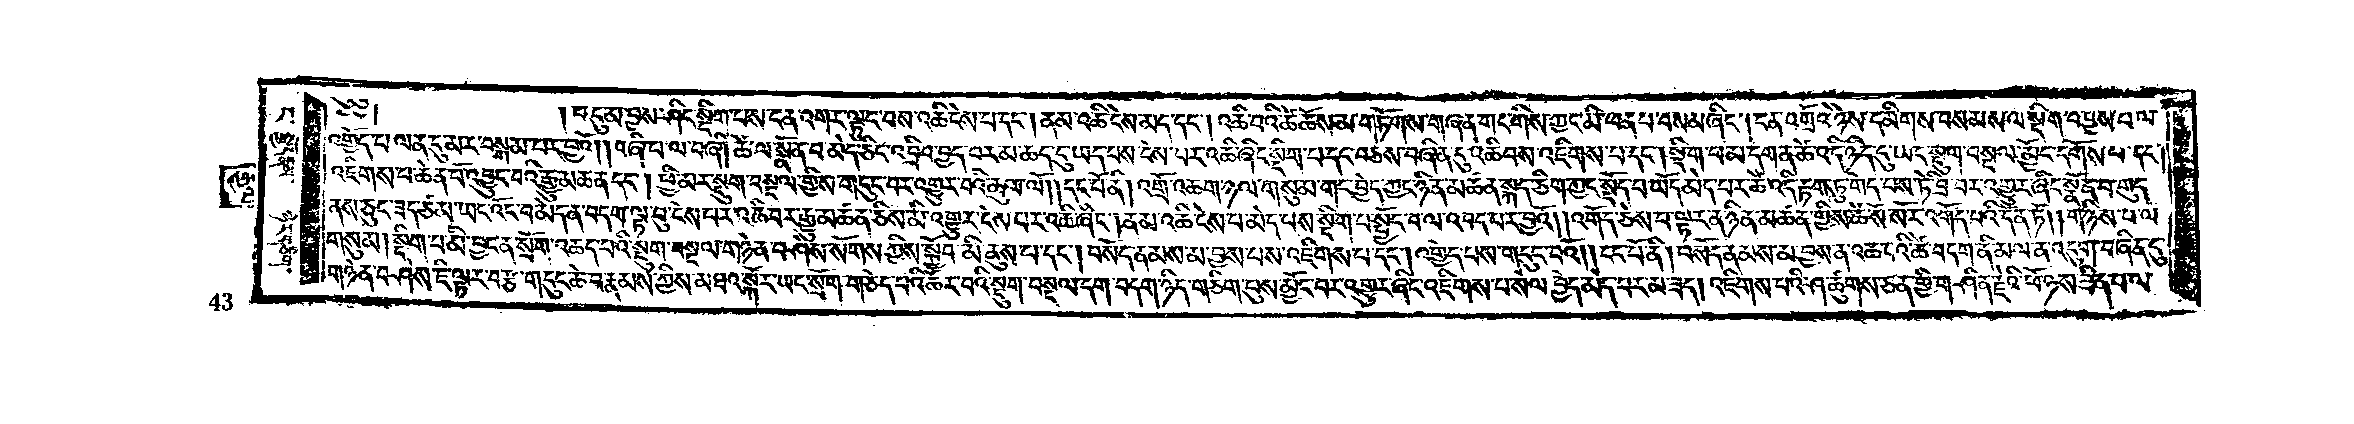༄༅། །པ་དུ་མ་བྱས་ཤིང་སྡིག་པས་དོན་འགར་ལྟང་བས་འཆི་ངེས་པ་དང་། ནམ་འཆི་ངེས་མེད་དང་། འཆི་བའི་ཚེ་ཆོས་མ་གཏོགས་གཞན་གང་གིས་ཀྱང་མི་ཕན་པ་བསམ་ཞིང་། ངན་འགྲོའི་ཉེས་དམིགས་བསམས་ལ་སྡིག་པ་བྱས་པ་ལ་
འགྱོད་པ་ལན་དུ་མར་བསྒམ་པར་བྱའོ། །བཞི་པ་ལ་བཞི། ཚེ་ལ་སྣོན་པ་མེད་ཅིང་འབྲིབ་བྱད་པར་མ་ཆད་དུ་ཡད་པས་ངེས་པར་འཆི་ཞིང་སྡིག་པ་དང་བཅས་བཞིན་དུ་འཆིབས་འཇིགས་པ་དང་། སྡིག་པ་མ་དག་ན་ཚེ་འདི་ཉིད་དུ་ཡང་སྡུག་བསྔལ་མྱོང་དགོས་པ་དང་།
འཇིགས་པ་ཆེན་པོ་འབྱུང་བའི་རྒྱུ་མཚན་དང་། ཕྱི་མར་སྡུག་བསྔལ་གྱིས་གདུང་བར་འགྱུར་བའི་ཚུལ་ལོ། །དང་པོ་ནི། འགྲོ་འཆག་ཉལ་གསུམ་གང་བྱེད་ཀྱང་ཉིན་མཚན་སྐད་ཅིག་ཀྱང་སྡོད་པ་ཡོད་མེད་པར་ཚེ་འདི་རྟག་ཏུ་གེད་པས་ཏེ་བྲི་བར་འགྱུར་ཞིང་སྣོན་པ་གུད་
ནས་ཅུང་ཟད་ཙམ་ཡང་འོང་བ་མེད་ན་བདག་ལྟ་བུ་ངེས་པར་འཆི་བར་རྒྱུ་མཚན་ཅིས་མི་འགྱུར་ངེས་པར་འཆི་ཞིང་། ནམ་འཆི་ངེས་པ་མེད་པས་སྡིག་པ་སྤྱོད་པ་ལ་འབད་པར་བྱའོ། །འགོད་ཅེས་པ་ལྟར་ན་ཉིན་མཚན་གྱིས་ཚེ་སོ་སོར་འགོད་པའི་དོན་ཏོ། །གཉིས་པ་ལ་
གསུམ༑ སྡིག་པ་མི་བྱེད་ན་སྲོག་འཆད་པའི་སྡུག་བསྔལ་གཉེན་བཤེས་སོགས་ཀྱིས་སྐྱོབ་མི་ནུས་པ་དང་། བསོད་ནམས་མ་བྱས་པས་འཇིགས་པ་དང་། འགྱེད་པས་གདུང་བའོ། །དང་པོ་ནི། བསོད་ནམས་མ་བྱས་ན་འཆི་བའི་ཚེ་བདག་ནི་མལ་ན་འདུག་བཞིན་དུ་
གཉེན་བཤེས་ཇི་ལྟར་བརྩ་གདུང་ཆེ་བ་རྣམས་ཀྱིས་མཐའ་སྐོར་ཡང་སྲོག་གཅོད་པའི་ཚོར་བའི་སྡུག་བསྔལ་དག་བདག་ཉིད་གཅིག་པུས་མྱོང་བར་འགྱུར་ཞིང་འཇིགས་པ་སེལ་བྱེད་མེད་པར་མ་ཟད། འཇིགས་པའི་ཤ་ཚུགས་ཅན་གྱི་གཤིན་རྗེའི་ཕོ་ཉས་ཟིན་པ་ལ་